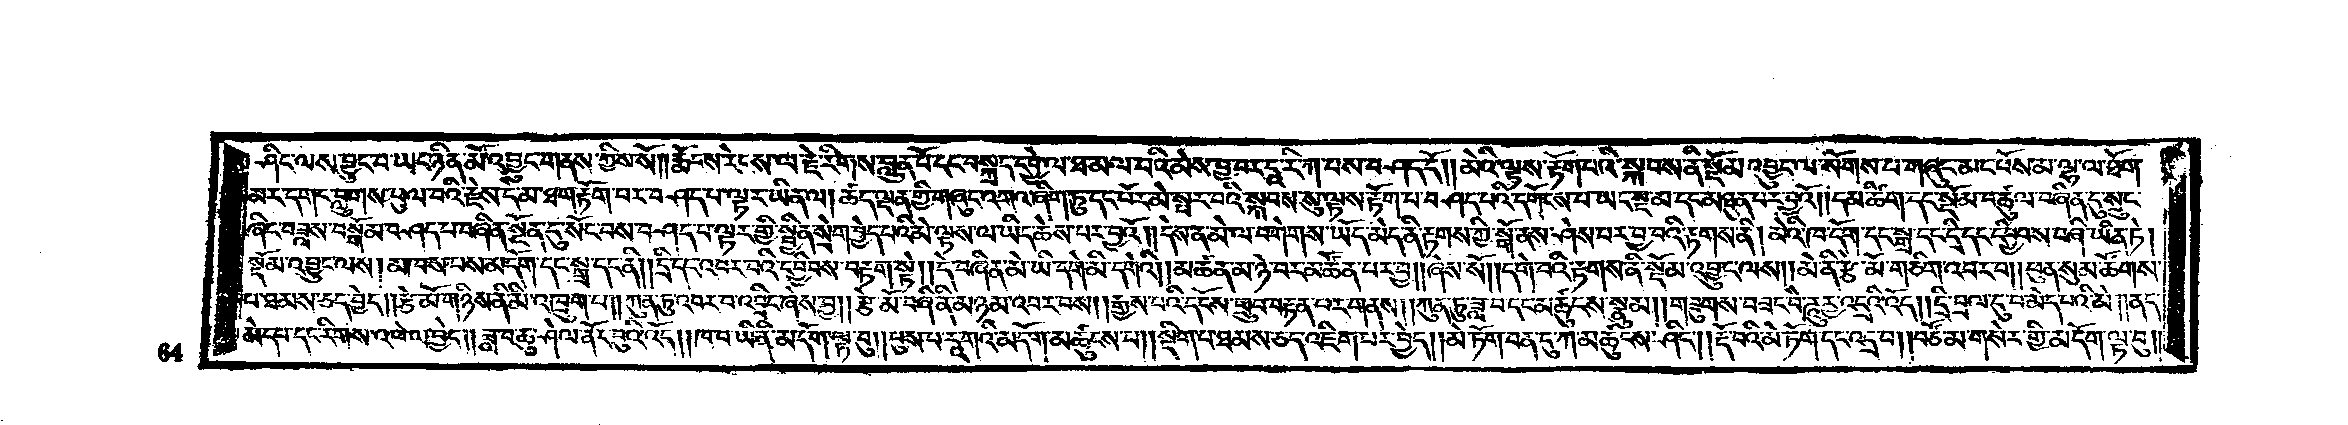ཤིང་ལས་བྱུང་བ་ཡང་ཉིན་མོ་འབྱུང་གནས་ཀྱིས་སོ། །རྨོངས་རེངས་ལ་རྗེ་རིགས་བླུན་པོ་དང་བསྐྲད་དབྱེ་ལ་ཐ་མལ་པའི་མེས་བྱ་བར་དྵ་རི་ཀ་པས་བཤད་དོ། །མེའི་ལྟས་རྟོག་པའི་སྐབས་ནི་སྡོམ་འབྱུང་ལ་སོགས་པ་གཞུང་མང་པོས་མ་ལྷ་ལ་ཐོག་
མར་དགང་བླུགས་ཕུལ་བའི་རྗེས་དེ་མ་ཐག་རྟོག་པར་བཤད་པ་ལྟར་ཡིན་ལ། ཚད་ལྡན་གྱི་གཞུང་འགའ་ཞིག་ཏུ་དང་པོར་མེ་སྤར་བའི་སྐབས་སུ་ལྟས་རྟོག་པ་བཤད་པའི་དགོངས་པ་ཡང་སྔ་མ་དང་མཐུན་པར་བྱའོ། །དམ་ཚིག་དང་སྡོམ་པ་ཚུལ་བཞིན་དུ་སྲུང་
ཞིང་བཟླས་བསྒོམ་བཤད་པ་བཞིན་སྔོན་དུ་སོང་བས་བཤད་པ་ལྟར་གྱི་སྦྱིན་སྲེག་བྱེད་པའི་མེ་ལྟས་ལ་ཡིད་ཆེས་པར་བྱའོ། །དེས་ན་མེ་ལ་བགེགས་ཡོད་མེད་ནི་རྟགས་ཀྱི་སྒོ་ནས་ཤེས་པར་བྱ་བའི་རྟགས་ནི། མེའི་ཁ་དོག་དང་སྒྲ་དང་དྲི་དང་དབྱིབས་བཞི་ཡིན་ཏེ།
སྡོམ་འབྱུང་ལས། མཁས་པས་མདོག་དང་སྒྲ་དང་ནི། །དྲི་དང་འབར་བའི་དབྱིབས་བརྟག་སྟེ། །དེ་བཞིན་མེ་ཡི་དགེ་མི་དགེའི། །མཚན་མ་ཉེ་བར་མཚོན་པར་བྱ། །ཞེས་སོ། །དགེ་བའི་རྟགས་ནི་སྡོམ་འབྱུང་ལས། །མེ་ནི་རྩེ་མོ་གཅིག་འབར་བ། །ཕུན་སུམ་ཚོགས་
པ་ཐམས་ཅད་བྱེད། །རྩེ་མོ་གཉིས་ནི་མི་འཁྲུག་པ། །ཀུན་ཏུ་འབར་བ་འབྲིང་ཞེས་བྱ། །རྩེ་མོ་བཞི་ནི་མཉམ་འབར་བས། །རྒྱས་པའི་དངོས་གྲུབ་བརྟན་པར་གནས། །ཀུན་ཏུ་ཟླ་བ་དང་མཚུངས་སྣུམ། །གཟུགས་བཟང་བཻ་ཌཱུ་རྱ་འདྲའི་འོད། །དྲི་བྲལ་དུ་བ་མེད་པའི་མེ། །ནད་
མེད་པ་དང་རིགས་འཕེལ་བྱེད། །ཟླ་བ་ཆུ་ཤེལ་ནོར་བུའི་འོད། །ཁ་བ་ཡི་ནི་མདོག་ལྟ་བུ། །པུས་པ་རཱ་གའི་མདོག་མཚུངས་པ། །སྡིག་པ་ཐམས་ཅད་འཇིག་པར་བྱེད། །མེ་ཏོག་བན་དུ་ཀ་མཚུངས་ཤིང་། །རྡོ་བའི་མེ་ཏོག་དང་འདྲ་བ། །བཙོ་མ་གསེར་གྱི་མདོག་ལྟ་བུ། །